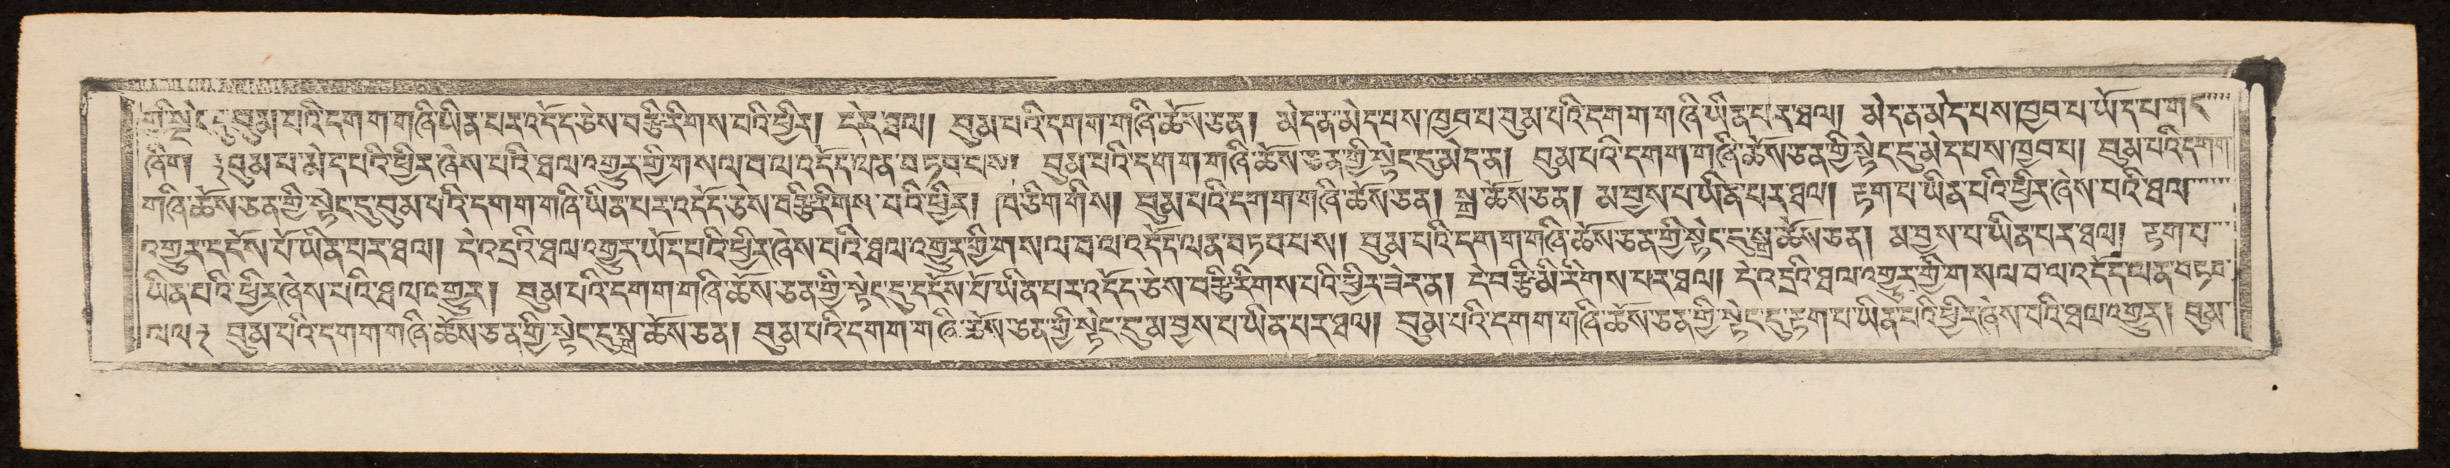གྱི་སྟེང་དུ་བུམ་པའི་དགག་གཞི་ཡིན་པར་འདོད་ཅེས་བརྩི་རིགས་པའི་ཕྱིར། དེར་ཐལ། བུམ་པའི་དགག་གཞི་ཆོས་ཅན། མེད་ན་མེད་པས་ཁྱབ་པ་བུམ་པའི་དགག་གཞི་ཡིན་པར་ཐལ། མེད་ན་མེད་པས་ཁྱབ་པ་ཡོད་པ་གང་
ཞིག །བུམ་པ་མེད་པའི་ཕྱིར་ཞེས་པའི་ཐལ་འགྱུར་གྱི་གསལ་བ་ལ་འདོད་ལན་བཏབ་པས། བུམ་པའི་དགག་གཞི་ཆོས་ཅན་གྱི་སྟེང་དུ་མེད་ན། བུམ་པའི་དགག་གཞི་ཆོས་ཅན་གྱི་སྟེང་དུ་མེད་པས་ཁྱབ་པ། བུམ་པའི་དགག་
གཞི་ཆོས་ཅན་གྱི་སྟེང་དུ་བུམ་པའི་དགག་གཞི་ཡིན་པར་འདོད་ཅེས་བརྩི་རིགས་པའི་ཕྱིར། ཁ་ཅིག་གིས། བུམ་པའི་དགག་གཞི་ཆོས་ཅན། སྒྲ་ཆོས་ཅན། མ་བྱས་པ་ཡིན་པར་ཐལ། རྟག་པ་ཡིན་པའི་ཕྱིར་ཞེས་པའི་ཐལ་
འགྱུར་དངོས་པོ་ཡིན་པར་ཐལ། དེ་འདྲའི་ཐལ་འགྱུར་ཡོད་པའི་ཕྱིར་ཞེས་པའི་ཐལ་འགྱུར་གྱི་གསལ་བ་ལ་འདོད་ལན་བཏབ་པས། བུམ་པའི་དགག་གཞི་ཆོས་ཅན་གྱི་སྟེང་དུ་སྒྲ་ཆོས་ཅན། མ་བྱས་པ་ཡིན་པར་ཐལ། རྟག་པ་
ཡིན་པའི་ཕྱིར་ཞེས་པའི་ཐལ་འགྱུར། བུམ་པའི་དགག་གཞི་ཆོས་ཅན་གྱི་སྟེང་དུ་དངོས་པོ་ཡིན་པར་འདོད་ཅེས་བརྩི་རིགས་པའི་ཕྱིར་ཟེར་ན། དེ་བརྩི་མི་རིགས་པར་ཐལ། དེ་འདྲའི་ཐལ་འགྱུར་གྱི་གསལ་བ་ལ་འདོད་ལན་བཏབ་
པས། བུམ་པའི་དགག་གཞི་ཆོས་ཅན་གྱི་སྟེང་དུ་སྒྲ་ཆོས་ཅན། བུམ་པའི་དགག་གཞི་ཆོས་ཅན་གྱི་སྟེང་དུ་མ་བྱས་པ་ཡིན་པར་ཐལ། བུམ་པའི་དགག་གཞི་ཆོས་ཅན་གྱི་སྟེང་དུ་རྟག་པ་ཡིན་པའི་ཕྱིར་ཞེས་པའི་ཐལ་འགྱུར། བུམ་